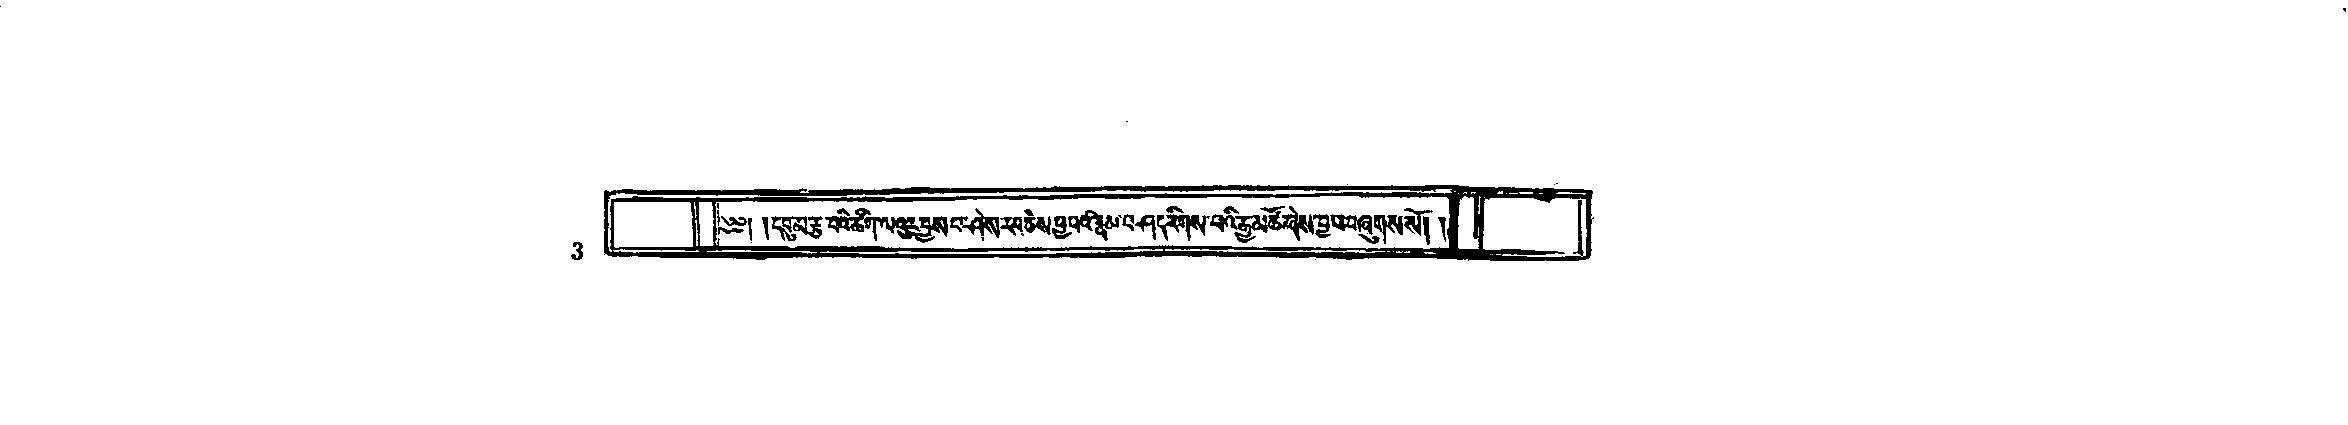༄༅། །དབུ་མ་རྩ་བའི་ཚིག་ལེའུར་བྱས་པ་ཤེས་རབ་ཅེས་བྱ་བའི་རྣམ་བཤད་རིགས་པའི་རྒྱ་མཚོ་ཞེས་བྱ་བ་བཞུགས་སོ། །